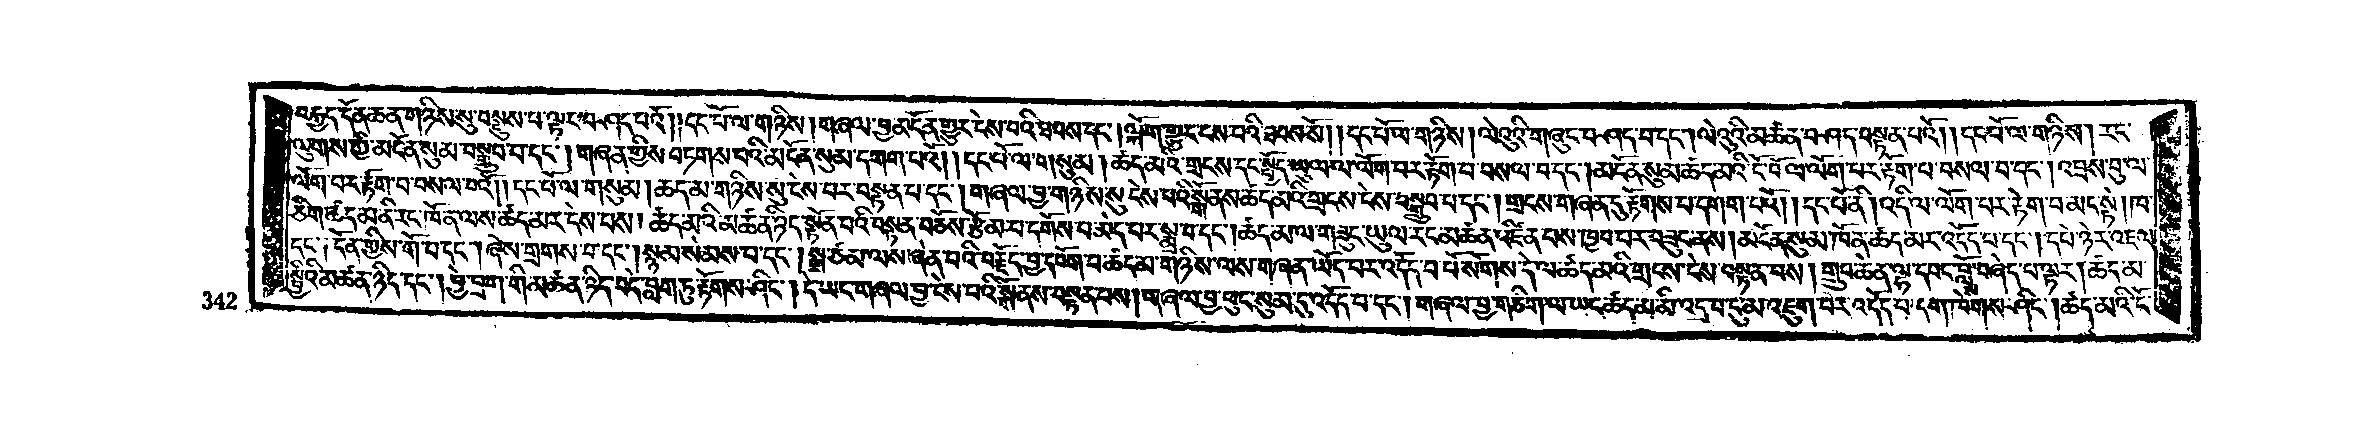བརྒྱད་དོན་ཆན་གཉིས་སུ་བསྡུས་པ་ལྟར་བཤད་པའོ། །དང་པོ་ལ་གཉིས། གཞལ་བྱ་མངོན་གྱུར་ངེས་པའི་ཐབས་དང་། ལྐོག་གྱུར་ངས་པའི་ཐབས་སོ། །དང་པོ་ལ་གཉིས། ལེའུའི་གཞུང་བཤད་པ་དང་། ལེའུའི་མཚན་བཤད་བསྟན་པའོ། །དང་པོ་ལ་གཉིས། རང་
ལུགས་ཀྱི་མངོན་སུམ་བསྒྲུབ་པ་དང་། གཞན་གྱིས་བཏགས་པའི་མངོན་སུམ་དགག་པའོ། །དང་པོ་ལ་གསུམ། ཚད་མའི་གྲངས་དང་སྤྱོད་ཡུལ་ལ་ལོག་པར་རྟོག་པ་བསལ་བ་དང་། མངོན་སུམ་ཚད་མའི་ངོ་བོ་ལ་ལོག་པ་བསལ་བ་དང་། འབྲས་བུ་ལ་
ལོག་པར་རྟོག་པ་བསལ་བའོ། །དང་པོ་ལ་གསུམ། ཚད་མའི་མཚན་ཉིད་སྟོན་པའི་བསྟན་བཅོས་རྩོམ་པ་དགོས་པ་མེད་པར་སྨྲ་བ་དང་། གཞལ་བྱ་གཉིས་སུ་ངེས་པའི་སྒོ་ནས་ཚད་མའི་གྲངས་ངེས་བསྒྲུབ་པ་དང་། གྲངས་གཞན་དུ་རྟོགས་པ་དགག་པའོ། །དང་པོ་ནི། འདི་ལ་ལོག་པར་རྟེག་པ་མང་སྟེ། ཁ་
ཅིག་ཚད་མ་ནི་རང་ཁོ་ན་ལས་ཚད་མར་དེས་པས། ཚད་མའི་མཚན་ཉིད་སྟོན་པའི་བསྟན་བཅོས་རྩོམ་པ་དགོས་པ་མེད་པར་སྨྲ་བ་དང་། ཚད་མ་ལ་གཟུང་ཡུལ་རང་མཚན་འཛིན་པས་ཁྱབ་པར་བཟུང་ནས། མངོན་སུམ་ཁོ་ན་ཚད་མར་འདོད་པ་དང་། དཔེ་ཉེར་འཇལ་
དང༑ དོན་གྱིས་གོ་བ་དང་། ཞེས་གྲགས་པ་དང་། སྙམ་སེམས་པ་དང་། སྒྲ་ཙམ་ལས་ཞེན་པའི་བརྗོད་བྱ་དཔོག་པ་ཚད་མ་གཉིས་ལས་གཞན་ཡོད་པར་འདོད་པ་པོ་སོགས་དེ་ལ་ཚད་མའི་གྲངས་ངེས་བསྟན་པས། གྲུབ་ཆེན་ཕ་དབང་བློ་བཞེད་པ་ལྟར། ཚད་མ་
སྤྱིའི་མཚན་ཉིད་དང་། བྱེ་བྲག་གི་མཚན་ཉིད་བདེ་བླག་ཏུ་རྟོགས་ཤིང་། དེ་ཡང་གཞལ་བྱ་ངེས་པའི་སྒོ་ནས་བསྟན་པས། གཞལ་བྱ་ཕུང་སུམ་དུ་འདོད་པ་དང་། གཞལ་བྱ་གཅིག་ལ་ཡང་ཚད་མ་མི་འདྲ་བ་དུ་མ་འཇུག་བར་འདོད་པ་དག་ཁེགས་ཤིང་། ཚད་མའི་ངོ་